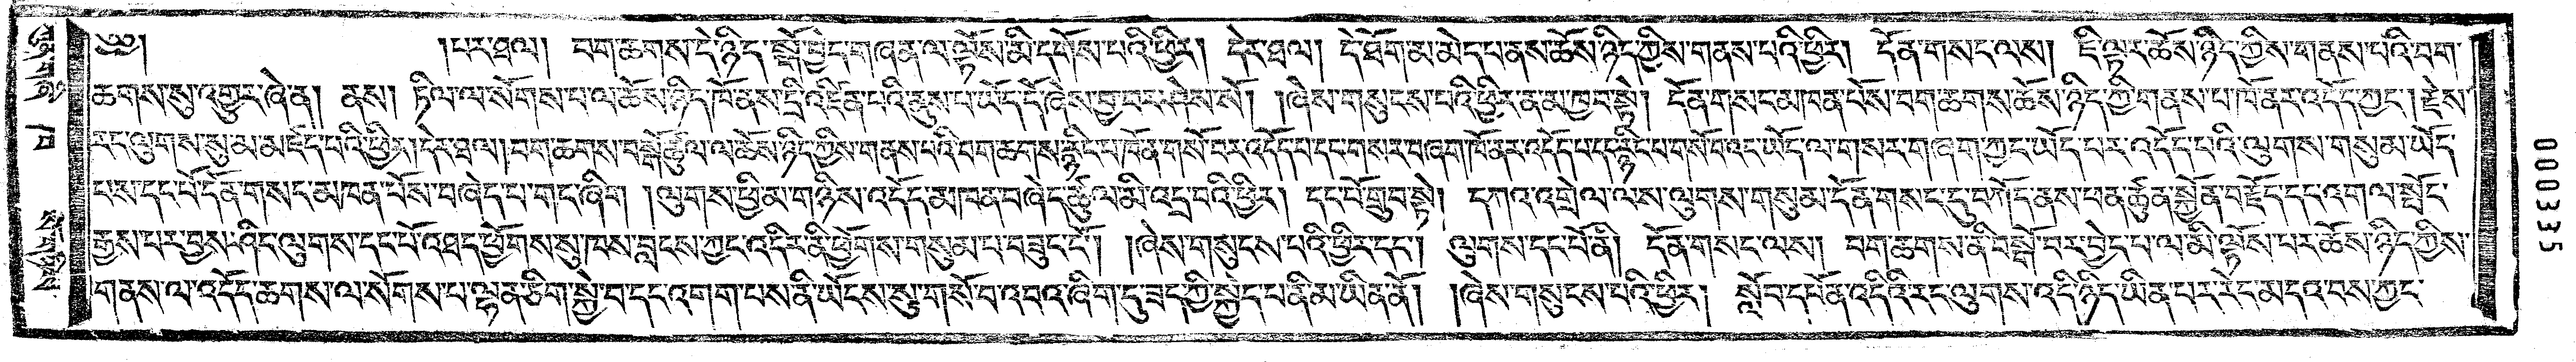༄༅། །པར་ཐལ། བག་ཆགས་དེ་ཉིད་སྒོ་བྱེད་གཞན་ལ་ལྟོས་མི་དགོས་པའི་ཕྱིར། དེར་ཐལ། དེ་ཐོག་མ་མེད་པ་ནས་ཆོས་ཉིད་ཀྱིས་གནས་པའི་ཕྱིར། དོན་གསང་ལས། ཇི་ལྟར་ཆོས་ཉིད་ཀྱིས་གནས་པའི་བག་
ཆགས་སུ་འགྱུར་ཞེ་ན། ནས། ཏིལ་ལ་སོགས་པ་ལ་ཆོས་ཉིད་ཁོ་ནས་དྲི་འཛིན་པའི་ནུས་པ་ཡོད་དོ་ཞེས་བྱ་བར་ཤེས་སོ། །ཞེས་གསུངས་པའི་ཕྱིར་ན་མ་ཁྱབ་སྟེ། དོན་གསང་མཁན་པོས་བག་ཆགས་ཆོས་ཉིད་ཀྱི་གནས་པ་ཁོ་ནར་འདོད་ཀྱང་། རྗེས་
རང་ལུགས་སུ་མ་མཛད་པའི་ཕྱིར་།དེར་ཐལ། བག་ཆགས་བསྒོ་ཚུལ་ལ་ཆོས་ཉིད་ཀྱིས་གནས་པའི་བག་ཆགས་རྙིང་པ་ཁོ་ན་གསོ་བར་འདོད་པ་དང་གསར་བཞག་ཁོ་ནར་འདོད་པ་དང་རྙིང་པ་གསོ་བའང་ཡོད་ལ་གསང་གཞག་ཀྱང་ཡོད་པར་འདོད་པའི་ལུགས་གསུམ་ཡོད་
པས་དང་པོ་དོན་གསང་མཁན་པོས་བཞེད་པ་གང་ཞིག །ལུགས་ཕྱི་མ་གཉིས་འདོད་མཁན་བཞེད་ཚུལ་མི་འདྲ་བའི་ཕྱིར། དང་པོ་གྲུབ་སྟེ། དཀའ་འགྲེལ་ལས་ལུགས་གསུམ་དོན་གསང་དུ་བཀོད་ནས་ཕན་ཚུན་སྐྱོན་བརྗོད་དང་འགལ་སྤོང་
རྒྱས་པར་བྱས་ཤིང་ལུགས་དང་པོ་འཐད་ཕྱོགས་སུ་ཁས་བླངས་ཀྱང་འདིར་ནི་ཕྱོགས་གསུམ་པ་བཟུང་ངོ། །ཞེས་གསུངས་པའི་ཕྱིར་དང་། ལུགས་དང་པོ་ནི། དོན་གསང་ལས། བག་ཆགས་ནི་བསྒོ་པར་བྱེད་པ་ལ་མི་ལྟོས་པར་ཆོས་ཉིད་ཀྱིས་
གནས་ལ་འདོད་ཆགས་ལ་སོགས་པ་ལྷན་ཅིག་སྐྱེ་བ་དང་འགག་པས་ནི་ཡོངས་སུ་གསོ་བ་འབབ་ཞིག་དུ་ཟད་ཀྱི་སྐྱེད་པ་ནི་མ་ཡིན་ནོ། །ཞེས་གསུངས་པའི་ཕྱིར། སློབ་དཔོན་འདིའི་རང་ལུགས་འདི་ཉིད་ཡིན་པར་རེད་མདའ་བས་ཀྱང་